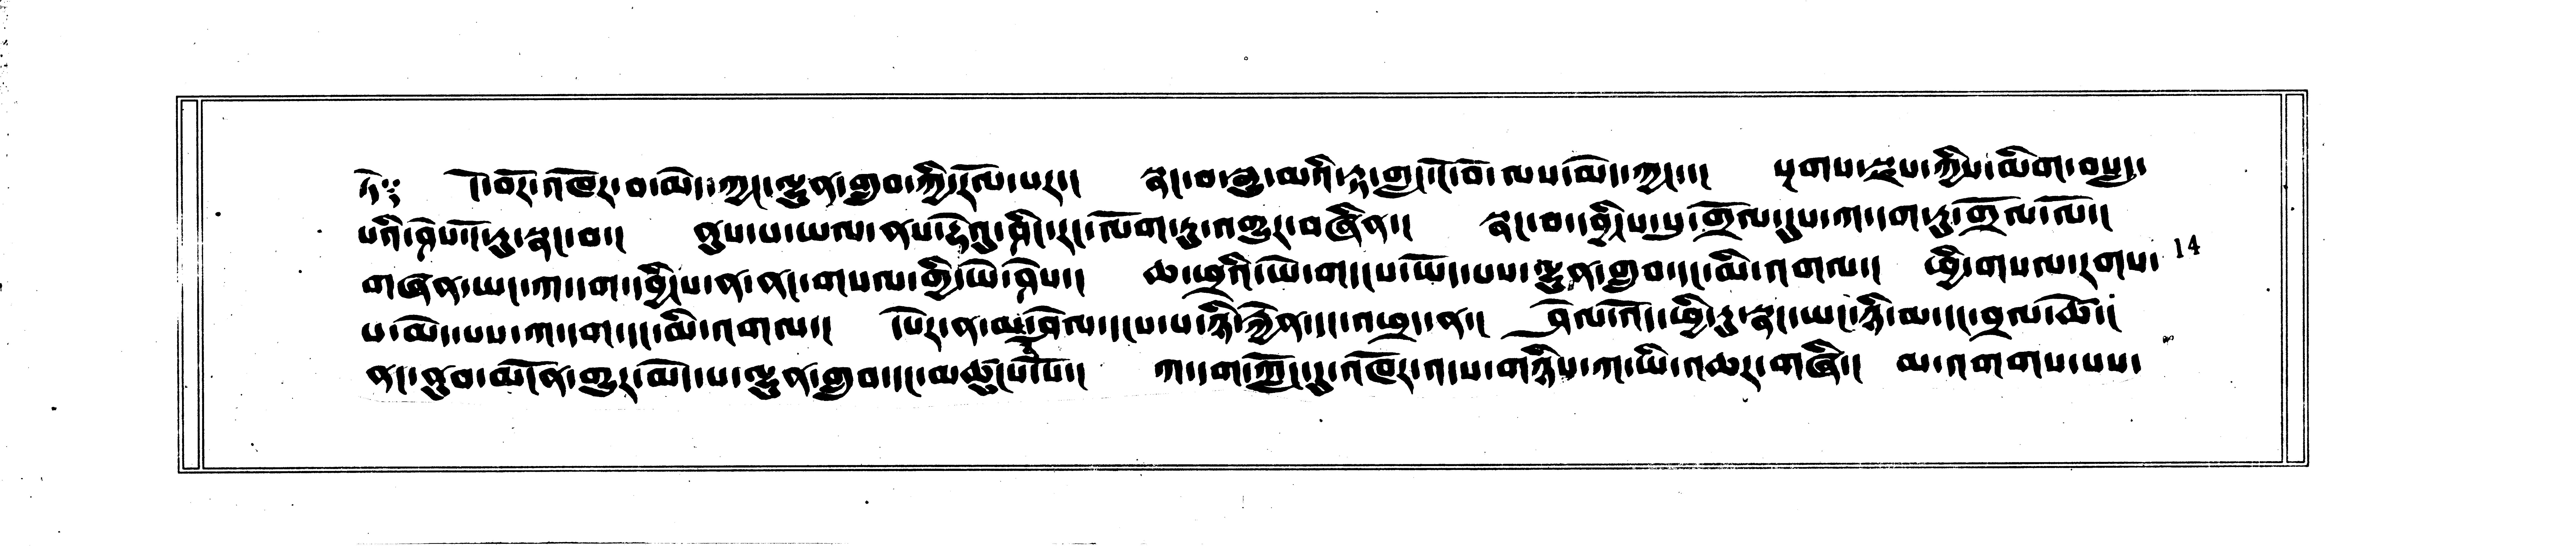ཏེ། །ངོ་བོར་འཁོར་བ་མེད་ཀྱང་ལྷུན་གྲུབ་ཀྱི་རོལ་པར། །སྣང་བ་སྒྱུ་མའི་རྟ་གླང་ངོ་བོ་ལས་མེད་ཀྱང་། །སྔགས་རྫས་ཀྱི་མིག་བསླད་
པའི་ཤེས་ངོ་རུ་སྣང་བ། །ནུས་པ་ཡལ་ནས་རྡེའུ་ཤིང་རང་ལོག་ཏུ་འགྱུར་བཞིན། །སྣང་བ་དབྱིངས་སུ་གྲོལ་དུས་ཀ་དག་ཏུ་གྲོལ་ལོ། །
གཞན་ཡང་ཀ་དག་དབྱིངས་ན་ནང་གསལ་གྱི་ཡེ་ཤེས། ཆ་ཕྲའི་ཡེ་གདང་ཡོད་པས་ལྷུན་གྲུབ་དང་མི་འགལ། །ཕྱི་གསལ་རགས་
པ་མེད་པས་ཀ་དག་དང་མི་འགལ། །དཔེར་ན་མེ་ཤེལ་དངས་པ་ཉི་རྐྱེན་དང་འཕྲད་ན། ཤེལ་འོད་ཕྱི་རུ་སྣང་ཡང་ཉི་མ་དང་བྲལ་ཚེ། །
ནང་ནུབ་མངོན་གྱུར་མེད་པ་ལྷུན་གྲུབ་དང་མཚུངས་སོ། །ཀ་དག་ཀློང་དུ་འཁོར་འདས་གཉིས་ཀ་ཡི་འཆར་གཞི། །མ་འགག་པས་